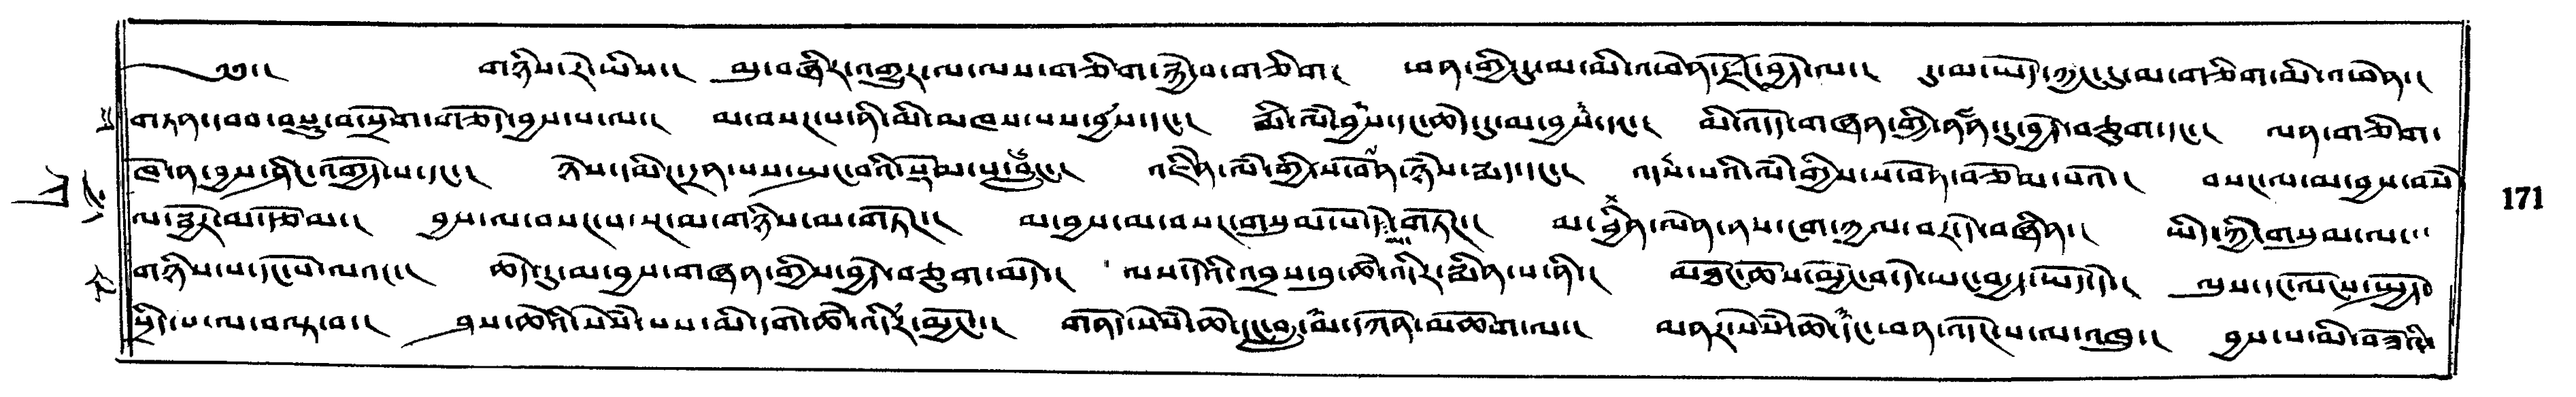གཉིས་རེ་ཡིས། །མུ་བཞིར་འགྱུར་ལ་ལས་གཅིག་སྐྱེ་བ་གཅིག།ཕན་གྱི་དུ་མ་མི་འཕེན་རྫོགས་བྱེད་ལ། །དུ་མ་ཡོད་ཀྱང་དུ་མ་གཅིག་མི་འཕེན། །
གཏན་དབབ་བསྡུ་བ་སྲོག་གཅོད་བྱས་པ་ལ། །མ་བསགས་པ་ནི་མི་མཁས་པས་བྱས་དང་། །རྨི་ལམ་བྱས་དང་ཆེད་དུ་མ་བྱས་དང་། །མི་འདོད་གཞན་གྱི་ནན་དུ་བྱེད་བཅུག་དང་། །ལན་གཅིག་
ཁོ་ན་བྱས་ཤིང་འགྱོད་པ་དང་། །ཉེས་དམིགས་དྲན་པས་སྤང་བའི་སྡོམ་པ་བླང་། །འཇིག་རྟེན་ལམ་གྱི་ས་བོན་ཉམས་སྨད་དང་། །འདས་པའི་ལམ་གྱིས་ས་བོན་བཅོམ་པའོ། །བསགས་ལ་མ་བྱས་བསམ་
ལ་སྦྱོར་མ་རྩོམ། །བྱས་ལ་བསགས་པ་སྔ་མ་གཉིས་མ་གཏོགས། །མ་བྱས་མ་བསགས་གསུམ་པོ་དེ་མ་གཏོགས། །མ་བྱིན་ལེན་ནས་ངག་ཀྱལ་བར་དེ་བཞིན། །ཡིད་ཀྱི་གསུམ་ལས་
གཉིས་པ་དང་པོ་ལའང་། །ཆེད་དུ་མ་བྱས་གཞན་གྱིས་བྱེད་བཅུག་མེད། །ལས་དེའི་འབྲས་བུ་ཚེ་འདིར་སྨིན་པ་ནི། །མཐོང་ཆོས་མྱོང་བ་དེ་ཡང་བརྒྱད་ཡོད་དེ། །ལུས་དང་ལོངས་སྤྱོད་
སྲིད་པ་ལ་བལྟ་བ། །ཤས་ཆེའི་སེམས་པས་མི་དགེ་ཚེ་འདིར་མྱོང་། །གནོད་སེམས་ཆེ་དང་བླ་མ་དཀོན་མཆོག་ལ། །མནར་སེམས་ཆེ་དང་ཕན་འདོགས་པ་ལ་འཁུ། །བྱས་པ་མི་བཟོའི་